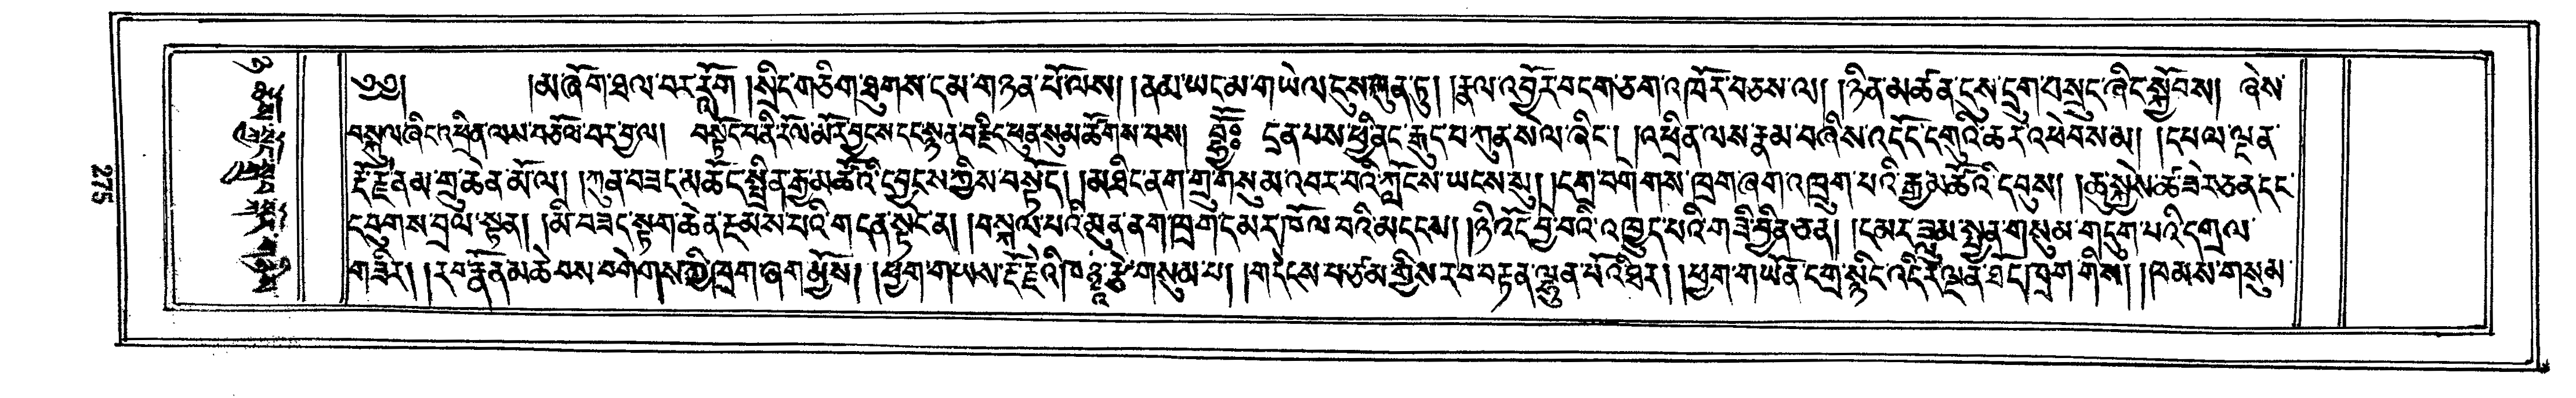༄༅། །མ་ཞོག་ཐལ་བར་རློབ་།སྲིད་གཅིག་ཐུགས་དམ་གཉན་པོ་ལས། །ནམ་ཡང་མ་གཡེལ་དུས་ཀུན་ཏུ། །རྣལ་འབྱོར་བདག་ཅག་འཁོར་བཅས་ལ། །ཉིན་མཚན་དུས་དྲུག་བསྲུང་ཞིང་སྐྱོབས། ཞེས་
བསྐུལ་ཞིང་འཕྲིན་ལས་བཅོལ་བར་བྱ་ལ། བསྟོད་པ་ནི་རོལ་མོ་དབྱངས་དང་སྙན་བརྗིད་ཕུན་སུམ་ཚོགས་པས། བྷྱཽཿ དྲན་པས་ཕྱི་ནང་རྒུད་པ་ཀུན་སེལ་ཞིང་། །འཕྲིན་ལས་རྣམ་བཞིས་འདོད་དགུའི་ཆར་འབེབས་མ། །དཔལ་ལྡན་
རྡོ་རྗེ་ནམ་གྲུ་ཆེན་མོ་ལ། །ཀུན་བཟང་མཆོད་སྤྲིན་རྒྱ་མཚོའི་དབྱངས་ཀྱིས་བསྟོད། །མཐིང་ནག་གྲུ་གསུམ་འབར་བའི་ཀློངས་ཡངས་སུ། །དགྲ་བགེགས་ཁྲག་ཞག་འཁྲུག་པའི་རྒྱ་མཚོའི་དབུས། །ཆུ་སྐྱེས་ཚ་ཟེར་ཅན་དང་
དབུགས་བྲལ་སྟན། །མི་བཟད་སྟག་ཆེན་རྔམས་པའི་གདན་སྟེང་ན། །བསྐལ་པའི་མུན་ནག་ཁྲག་དམར་ཁོལ་བའི་མདངས། །ཉི་འོད་བྱ་བས་འཁྱུད་པའི་གཟི་བྱིན་ཅན། །དམར་ཟླུམ་སྤྱན་གསུམ་གདུག་པའི་དགྲ་ལ་
གཟིར། །རབ་རྣོན་མཆེ་བས་བགེགས་ཀྱི་ཁྲག་ཞག་མྱོས། །ཕྱག་གཡས་རྡོ་རྗེའི་ཁ་ཊྭཱཾ་རྩེ་གསུམ་པ། །གདེངས་པ་ཙམ་གྱིས་རབ་བརྟན་ལྷུན་པོ་འཐར། །ཕྱག་གཡོན་དགྲ་སྙིང་འདར་ལྡན་ཐོད་ཁྲག་གིས། །ཁམས་གསུམ་